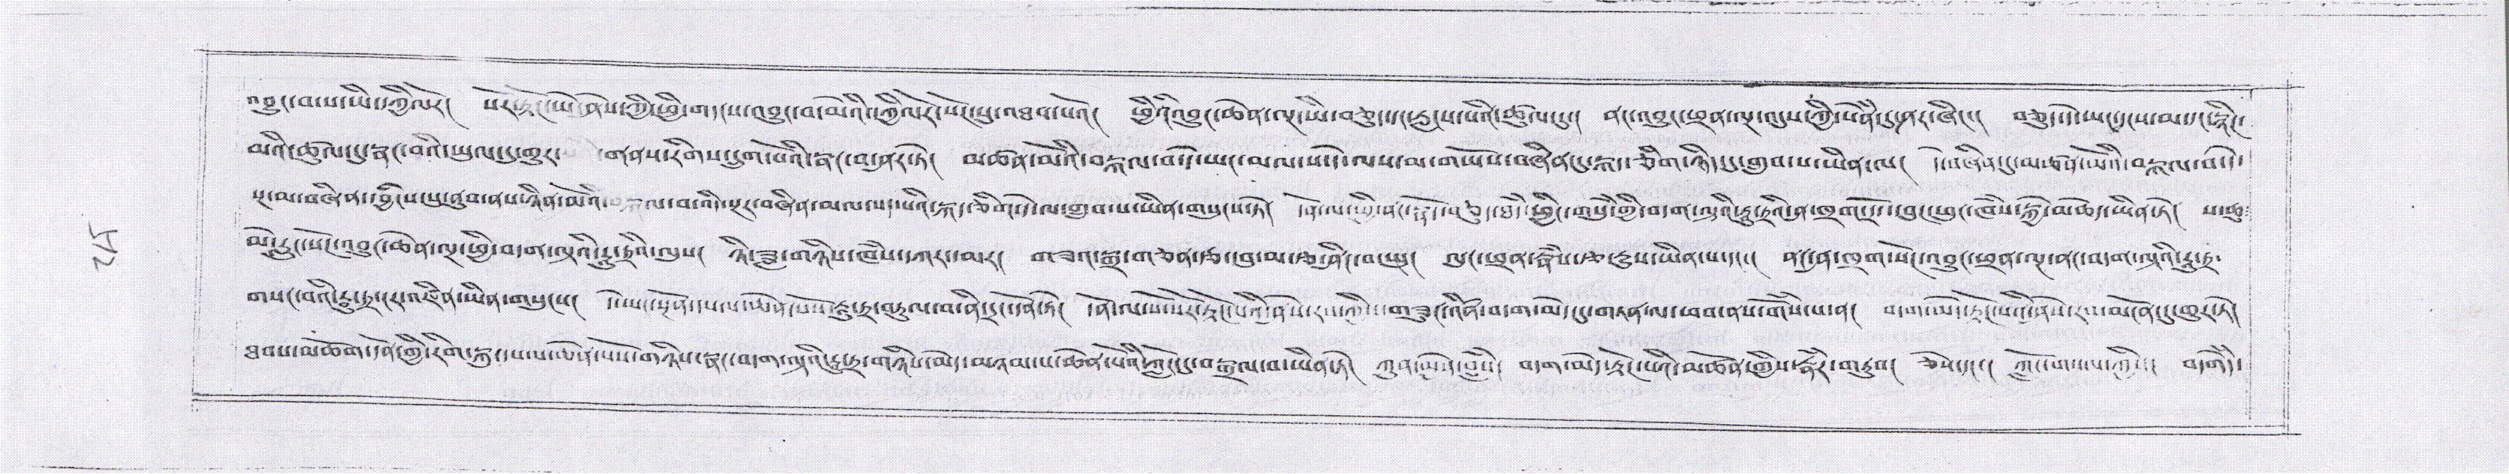འབྱུང་བ་ས་ཡི་དཀྱིལ་འཁོར། སོར་རྟོགས་ཡེ་ཤེས་ཀྱི་ཕྱི་གདངས་འབྱུང་བ་མེ་ཡི་དཀྱིལ་འཁོར་སོགས་སུ་འཐབ་པའོ། ཕྱིའི་འབྱུང་ཆེན་ལྔ་ཡི་བཅུད་དང་རླངས་པའི་ཚུལ་དུ། ནང་འབྱུང་ཕྲན་ལྔ་འདུས་ཀྱི་སེམས་ཅན་དུ་ཤར་ཞིང་། བཅུད་དེ་ཡང་དྭངས་མ་དང་སྙིགས་
མའི་ཚུལ་དུ་སྣང་བའི་ཡུལ་དུ་གྱུར། གནས་རིགས་དྲུག་པོའི་སྣང་བ་ཤར་ཏེ། མཚན་མོའི་བསྐལ་པ་དེ་ཡང་མལ་ས་དེ་ལས་མ་གཡོས་བཞིན་དུ་སྐད་ཅིག་ཉིད་དུ་གྲུབ་པ་ཡིན་ལ། དེ་བཞིན་དུ་མཚན་མོའི་བསྐལ་པ་དེ་
སྔ་མ་བཞིན་དབྱིངས་སུ་ནུབ་ནས་ཉིན་མོའི་བསྐལ་པ་འདི་སྔར་བཞིན་མལ་སད་པའི་སྐད་ཅིག་དེ་ལ་གྲུབ་པ་ཡིན་གསུངས་ཏེ། དོན་ལ་ཕྱི་ནང་སྣོད་བཅུད་ཐམས་ཅད་ཕྱི་ནང་གསུམ་གྱི་བདག་ལྟའི་རུ་ཏྲའི་ཤ་ཁྲག་དྲོད་དབུགས་ཕུང་ཁམས་སྐྱེ་མཆེད་ཡིན་ཏེ། ས་ཆུ་
མེ་རླུང་སོགས་འབྱུང་ཆེན་ལྔ་ཕྱི་བདག་ལྟའི་རུ་ཏྲའི་ལུས། ཉི་ཟླ་གཉིས་ཁམས་དཀར་དམར། གཟའ་སྒྲ་གཅན་རྩ་དབུ་མ་རྩ་ཤིང་བ་སྤུ། ལུང་ཕྲན་རྣམས་རྩ་རྒྱུས་ཡིན་པ་དང་། ནང་ཤ་ཁྲག་སོགས་འབྱུང་ཕྲན་ལྔ་ནང་བདག་ལྟའི་རུ་ཏྲ། 
གསང་བའི་རུ་ཏྲ་ངར་འཛིན་ཡིན་གསུངས། དེ་ཡང་སྔོན་དཔལ་ཆེན་པོས་རུ་ཏྲ་བཏུབ་བ་ནི་དྲང་དོན་ཏེ། དོན་ལ་སོ་སོར་རྟོགས་པའི་ཤེས་རབ་ཀྱིས་གཟུང་འཛིན་བདག་མེད་དུ་གཏན་ལ་ཕབ་ནས་གོམས་པ་ན། བདག་མེད་རྟོགས་པའི་ཤེས་རབ་མངོན་དུ་གྱུར་ཏེ། 
ཐབས་མཆོག་དོན་གྱི་རིག་སྐུ་དཔལ་ཆེན་པོས་གཉིས་སྣང་བདག་ལྟའི་རུ་ཏྲ་གཉིས་མེད་མཉམ་པ་ཆེན་པོའི་ཀློང་དུ་བསྒྲལ་བ་ཡིན་ཏེ། ཀུན་མཁྱེན་བླ་མས། བདག་མེད་རྟོགས་པའི་མཚོན་གྱིས་རྣམ་པར་གཏུབ། ཅེས་དང་། ཀློང་གསལ་གྱིས། བདག་མེད་